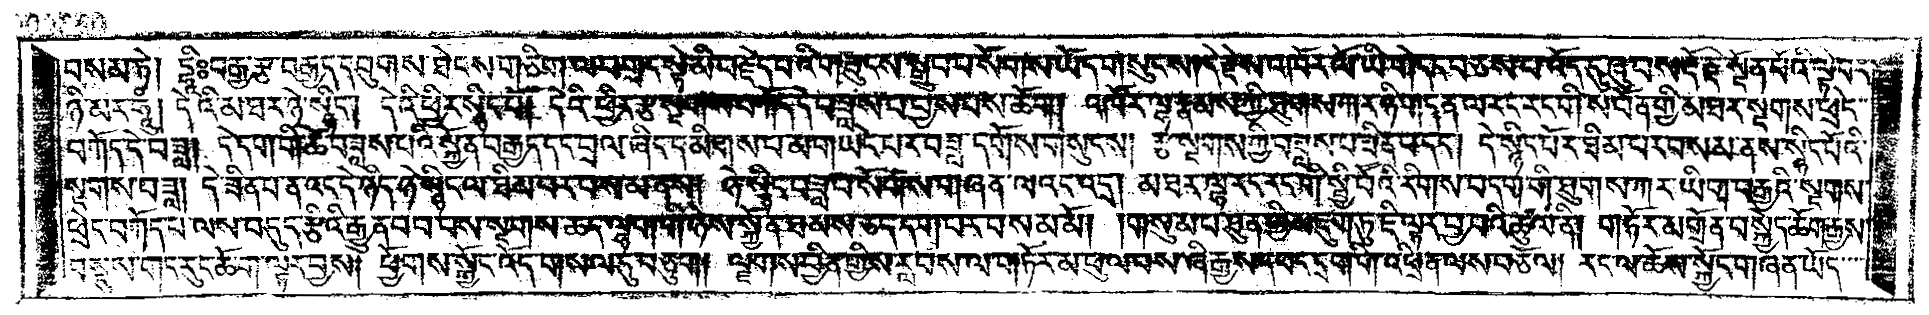བསམ་ཏེ། དྷཱིཿ བརྒྱ་རྩ་བརྒྱད་དབུགས་ཐེངས་གཅིག་ལ་བགྲང་སྟེ་མི་བརྗེད་པའི་གཟུངས་སྒྲུབ་པ་སོགས་ཡོད་གསུངས། དེ་རྗེས་འཁོར་ལོ་ཡི་གེ་དང་བཅས་པ་འོད་དུ་ཞུ་བས་རྡོ་རྗེ་སྔོན་པོའི་ལྟེ་བར་
ཉི་མར་ཧཱུཾ། དེའི་མཐར་ཉེ་སྙིང་། དེའི་ཕྱིར་སྙིང་པོ། དེའི་ཕྱིར་རྩ་སྔགས་བཀོད་དེ་བཟླས་པ་བྱས་པས་ཆོག །འཁོར་ལྷ་རྣམས་ཀྱི་ཐུགས་ཀར་ཉི་གདན་ལ་རང་རང་གི་ས་བོན་གྱི་མཐར་སྔགས་ཕྲེང་
བཀོད་དེ་བཟླ། དེ་དག་གི་ཚེ་བཟླས་པའི་སྐྱོན་བརྒྱད་དང་བྲལ་ཞིང་དམིགས་པ་མ་གཡེང་པར་བཟླ་དགོས་གསུངས། རྩ་སྔགས་ཀྱི་བཟླས་པ་ཟིན་པ་དང་། དེ་སྙིང་པོར་ཐིམ་པར་བསམ་ནས་སྙིང་པོའི་
སྔགས་བཟླ། དེ་ཟིན་པ་ནའང་དེ་ཉིད་ཉེ་སྙིང་ལ་ཐིམ་པར་བསམ་ནས། ཉེ་སྙིང་བཟླ་བ་སོགས་གཞན་ལའང་འདྲ། མཐར་ལྷ་རང་རང་གི་སྤྱི་བོའི་རིགས་བདག་གི་ཐུགས་ཀར་ཡིག་བརྒྱའི་སྔགས་
ཕྲེང་བཀོད་པ་ལས་བདུད་རྩིའི་རྒྱུན་བབ་པས་སྔགས་ཆད་ལྷག་གི་ཉེས་སྐྱོན་ཐམས་ཅད་དག་པར་བསམ་མོ། །གསུམ་པ་ཐུན་གྱི་མཇུག་ཏུ་ཇི་ལྟར་བྱ་བའི་ཚུལ་ནི། གཏོར་མགྲོན་བསྐྱེད་ཆོག་རྒྱས་
བསྡུས་གང་རུང་ཆོ་ག་ལྟར་བྱས། ཕྱོགས་སྐྱོང་འོད་གསལ་དུ་བཅུག །ལྗགས་བྱིན་གྱིས་རླབས་ལ་གཏོར་མ་ཕུལ་བས་ཞི་རྒྱས་དབང་དྲག་གི་འཕྲིན་ལས་བཅོལ། རང་ལ་ཆོས་སྐྱོང་གཞན་ཡོད་